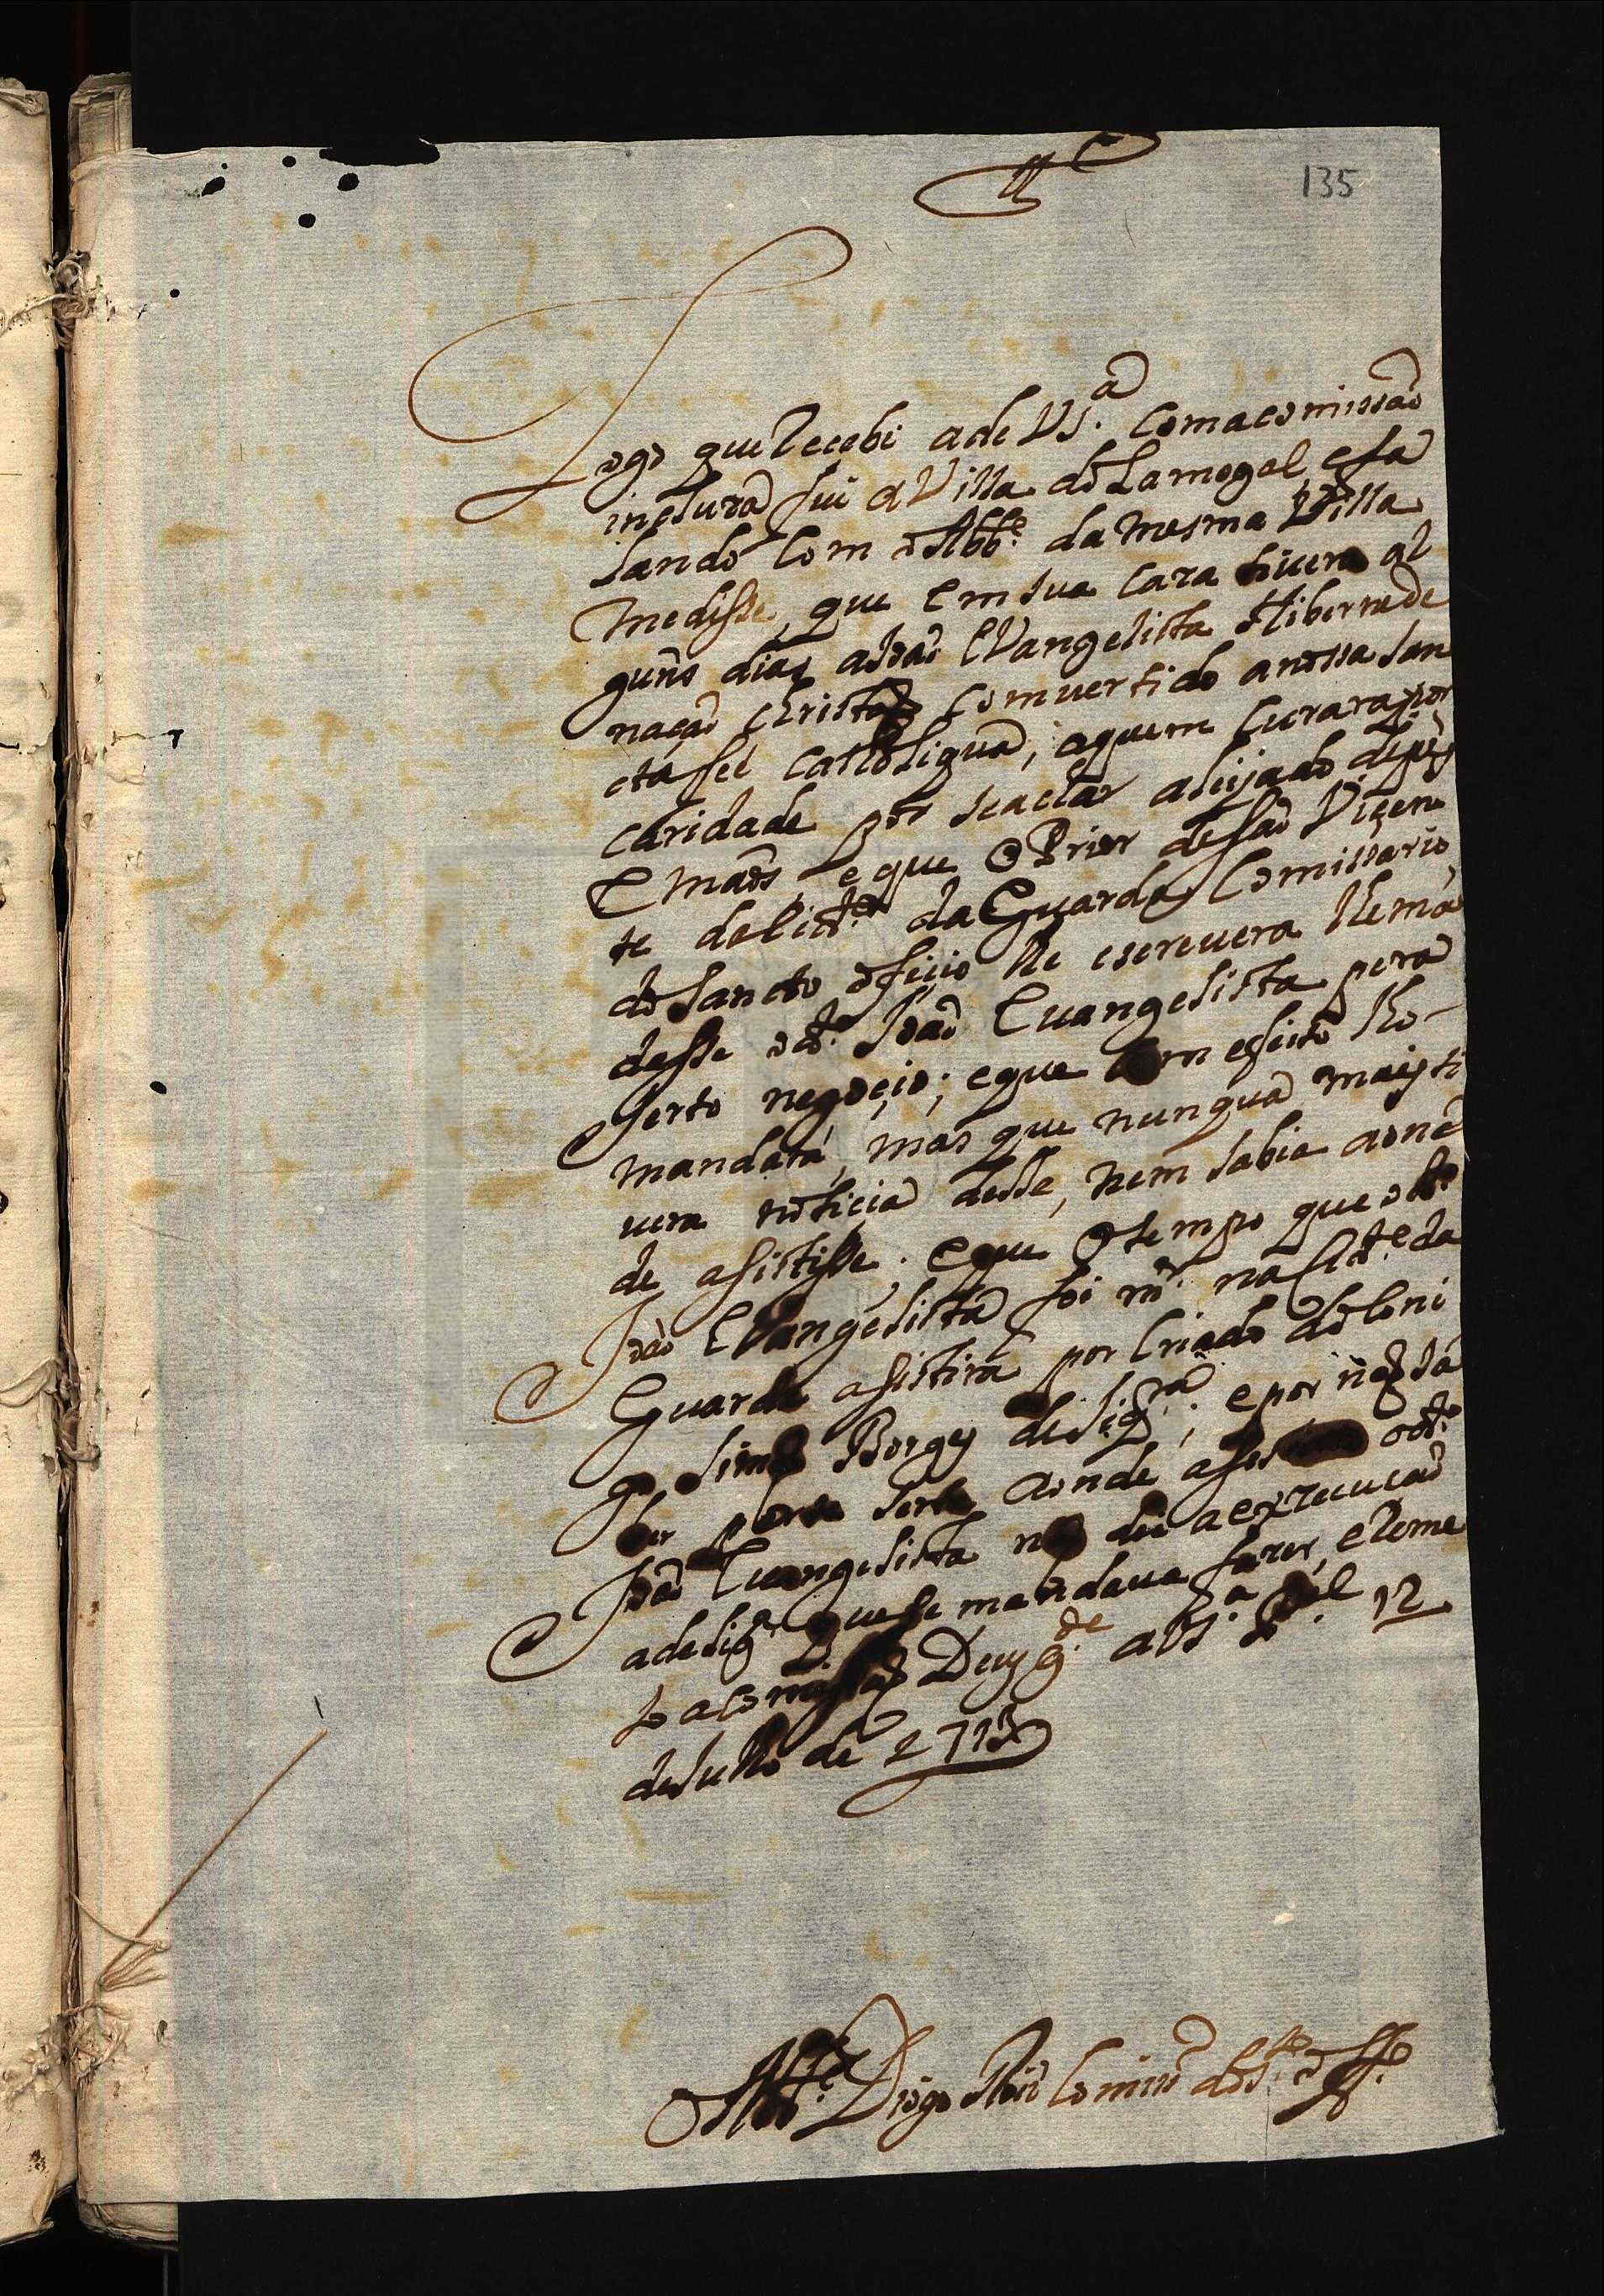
Logo que Recebi a de V S.a com a comissaõ
incluza fui a Villa do Lamogal, e fa
Lando Com o Abb.e da mesma Villa
me disse que em sua caza dicera al
gun̄s dias a Ioaõ EVangelista Hiberne de
naçaõ Christaõ Comuertido a nossa san
cta feé catholiqua, a quem Curara por
caridade por se achar aleijado de pés
E maõs e que o Prior de saõ Vicen
te da Cid̄.e da Guarda Comissario
do Sancto oficio lhe escreuera lhe ma
desse o d̄.o Ioaõ Euangelista pera
serto negocio; e que C_m efeito lho
mandará, mas que nunqua mais ti
uera noticia delle, nem sabia aond
de asistisse. e que o tempo que o d̄.o
João Evangelista foi mor na Cid̄e da
Guarda asistira por Criado do Coni
go Simo_ Borges de Siqra; e por naõ sá
ber para sorte aonde asis_ o d̄.o
João Euangelista n_ dei a exzeccuçaõ
a delig.a que se mandaua fazer, e Reme
to a comisaõ Deus g.de a VS.a P.al 12
de Iulho de 1713
O Alf.e Diogo Roiz̄ Comissō do sto off.o
